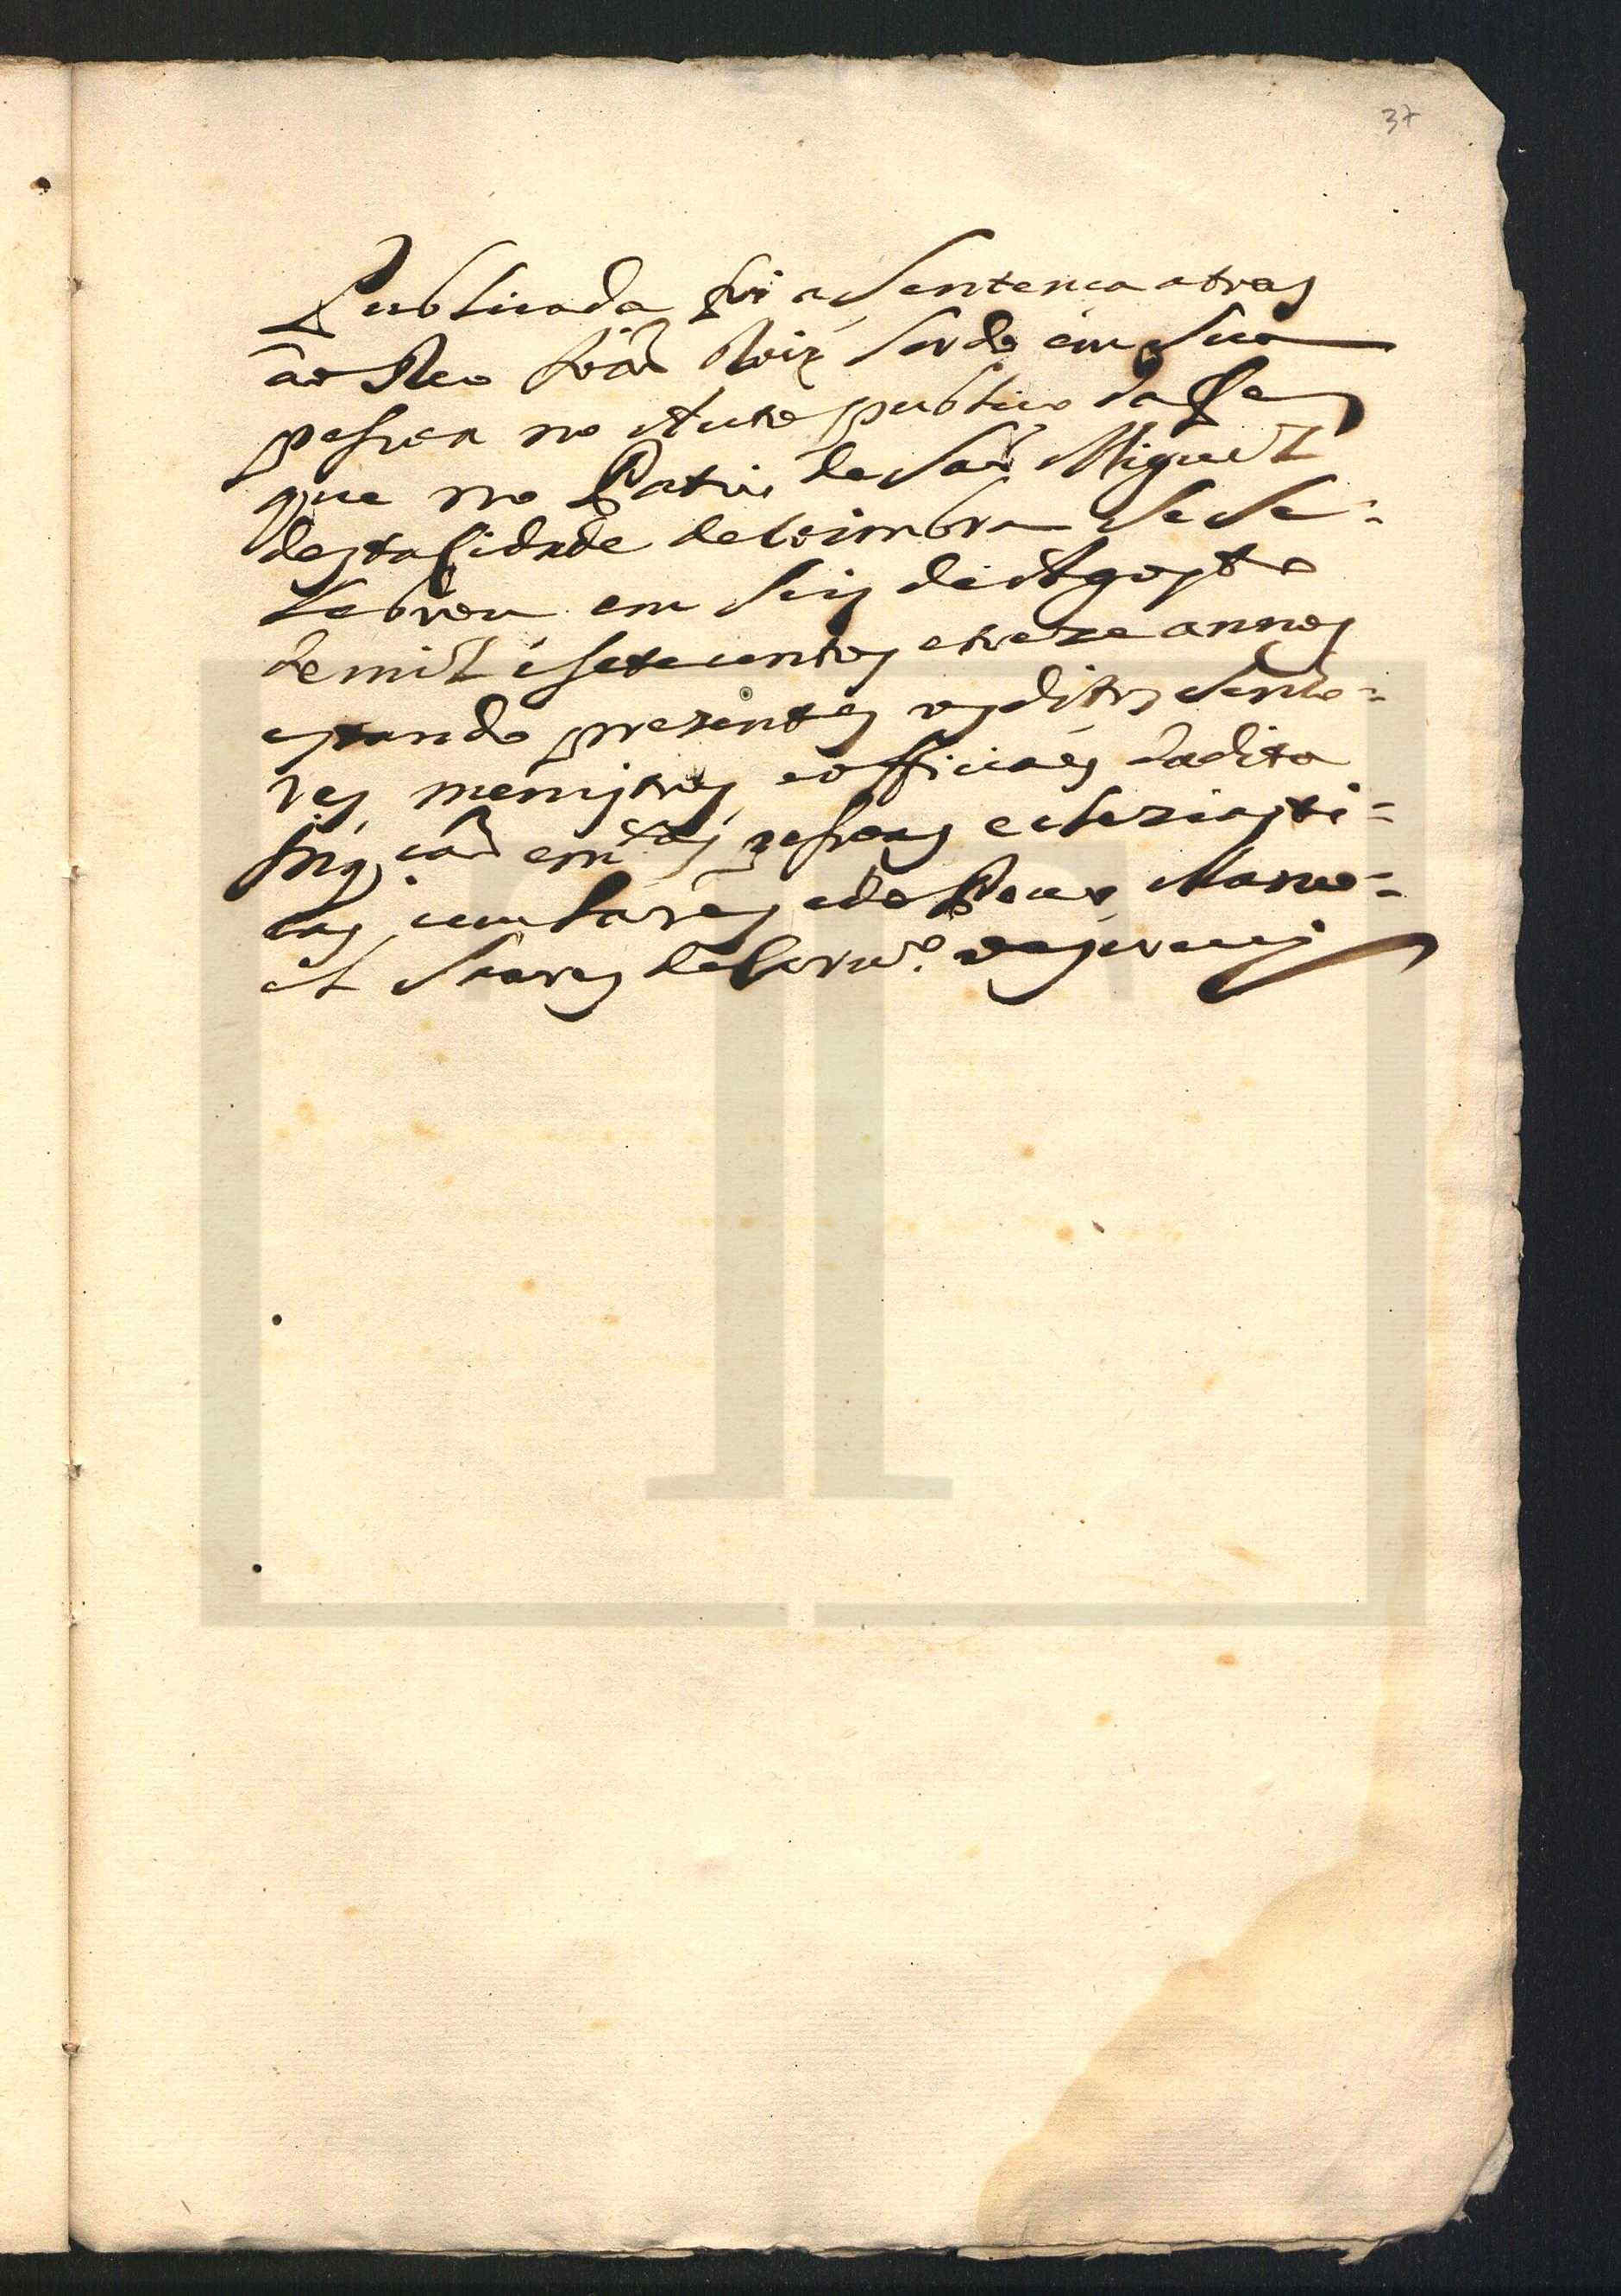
Publicada foi a Sentença atras
ao Reo Ioaõ Roiz̄ Sordo em sua
pessoa no Auto publico da fe
que no Patio de Saõ Miguel
desta Cidade de coimbra se se
lebrou, em seis de Agosto
de mil e setecentos e treze annos
estando prezentes os ditos Senho
res, menistros, e officiaes da dita
Inq.çaõ e m.tas pessoas ecleziasti
cas, ceculares e do Pouo, Mano
el soares de Caru.o o escreuj
